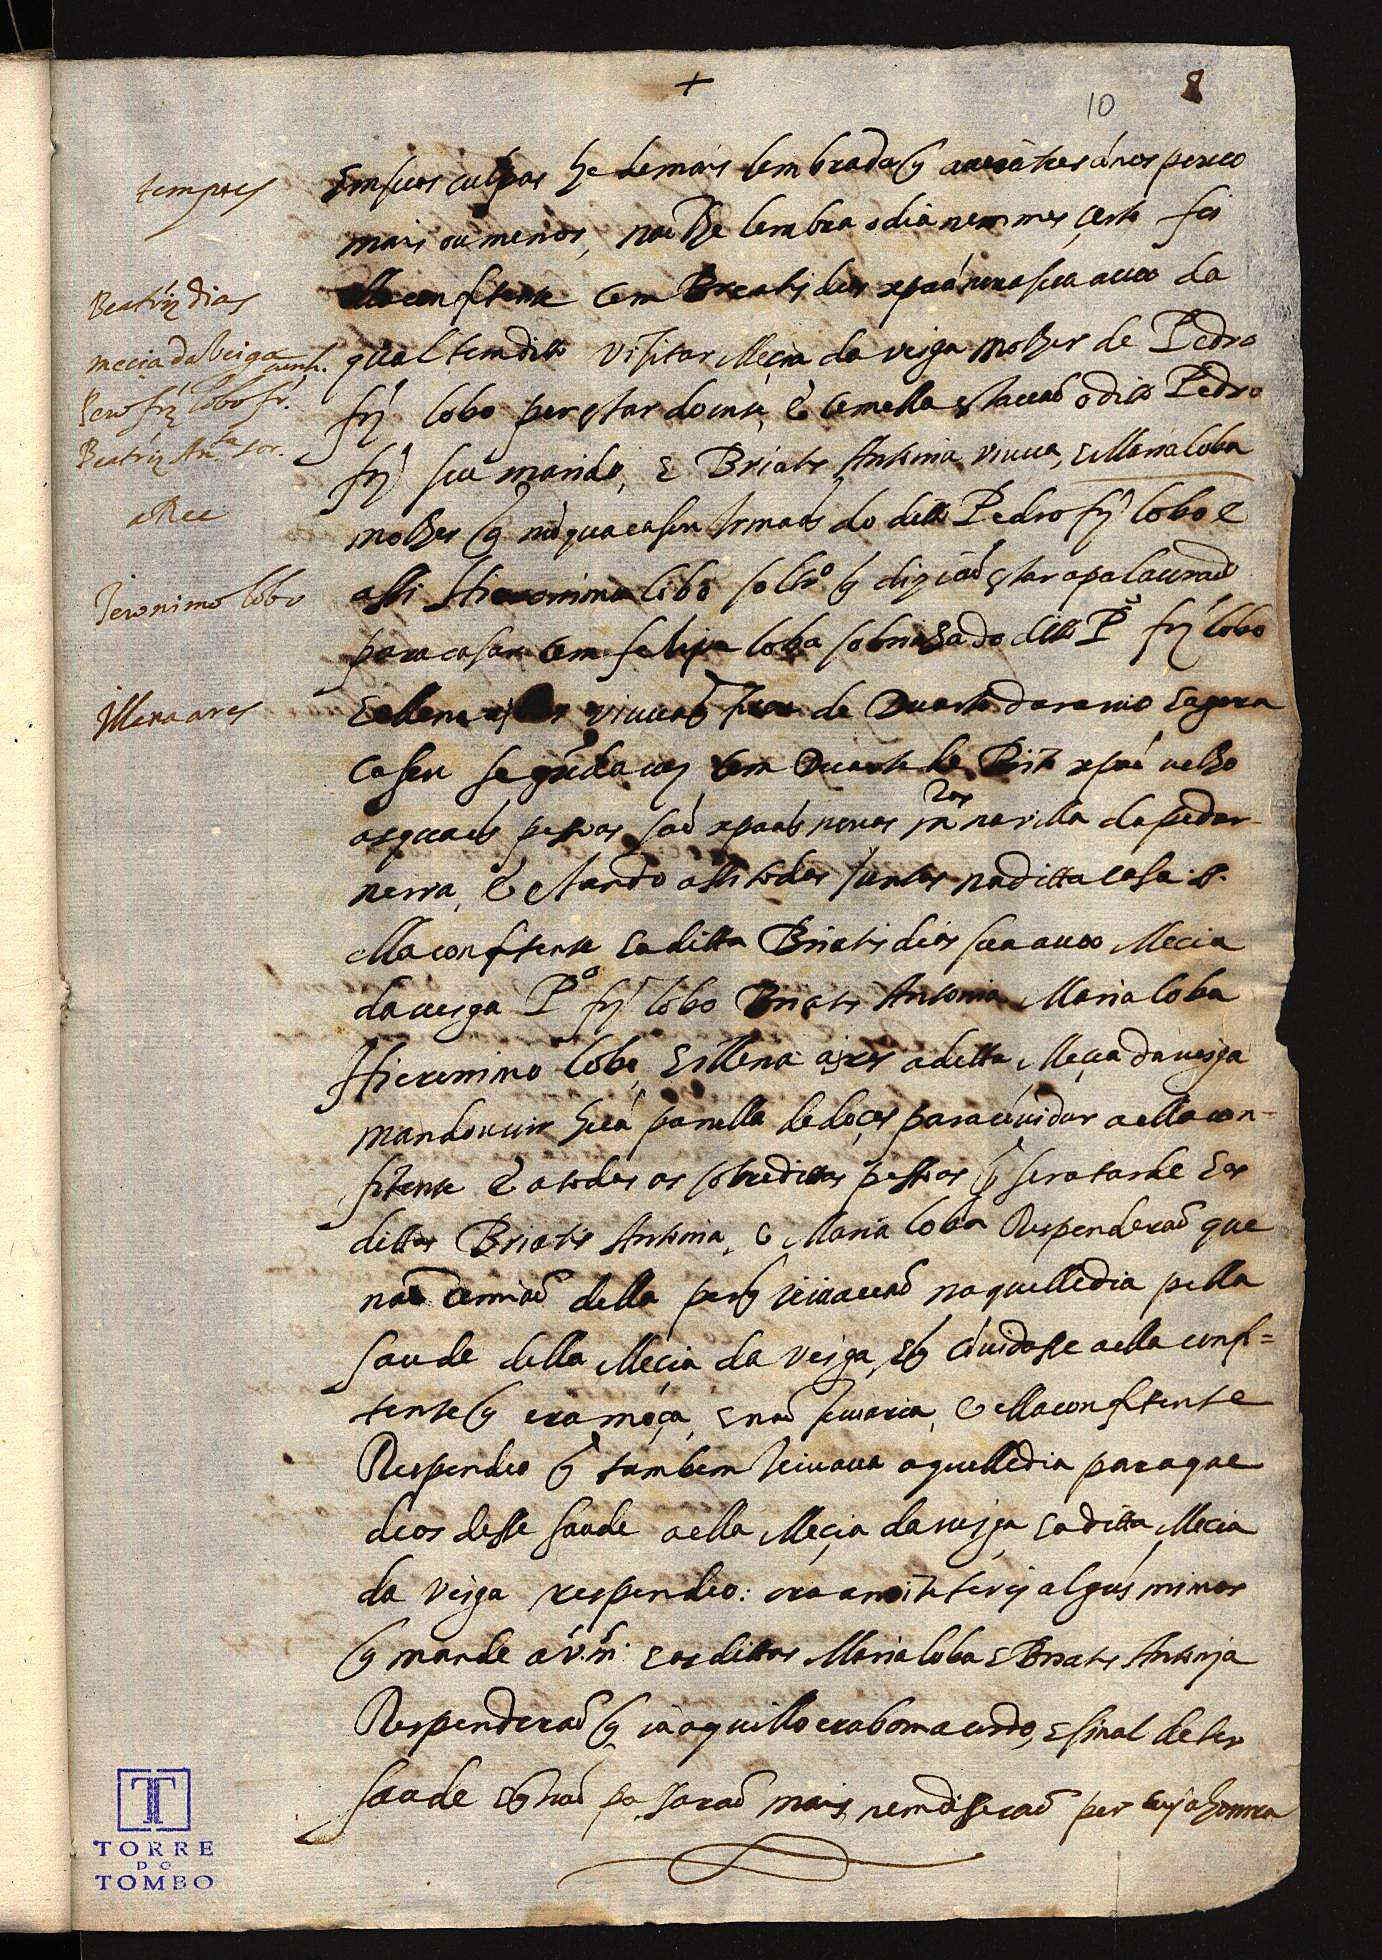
Em suas culpas he de mais lembrada q̄ auia tres an̄os pouco
mais ou menos, naõ lhe lembra o dia nem mes çerto foi
_lla confitente com Breatis dias xpaã noua sua auoo da
qual tem ditto visitar Meçia da veiga molher de Pedro
frz̄ lobo per estar doente, e com ella estauaõ o ditto Pedro
frz̄ seu marido, E Briatis Antonia viuua, E Maria loba
molher q̄ nūqua casou Irmaõs do ditto Pedro frz̄ lobo e
assi Hi__onimo lobo soltro q̄ diziaõ estar apalaurado
para casar com felipa loba sobrinha do ditto Po frz̄ lobo
E ellena aj__s viuua q̄ ficou de Duarte do ramo E agora
casou segūda uez Com Duarte de Brito xpaõ uelho
as quaes pessoas saõ xpaas̄ nouas moradoras na villa da peder
neira, e estando assi todas Juntas na ditta casa .ss.
ella confitente E a ditta Briatis dias sua auoo Mecia
da ueiga Po frz̄ lobo Briatis Antonia Maria loba
Hieronimo Lobo, E ellena ajres a ditta Meçia da ueiga
mandou uir huā panella de doçes para cōuidar a ella con
fitente e a todas as sobredittas pessoas pa ser a tarde E as
dittas Briatis Antonia, e Maria loba Responderaõ que
naõ comiaõ della porq̄ ieiuauaõ naquelle dia pella
saude della Meçia da veiga, E q̄ cōuidasse a ella confi
tente q̄ era moça, e não Jeiuaria, e ella confitente
Respondeo q̄ tambem Jeiuaua aquelle dia para que
deos desse saude a ella Meçia da ueiga E a ditta Mecia
da veiga respondeo: ora a noite terej algūs mimos
q̄ mande a vs. ms. E as dittas Maria loba E Briatis Antonja
Responderaõ q̄ ia aquillo era bom acordo, E sinal de ter
saude E q̄ naõ passaraõ mais nem disseraõ por cuja homra
